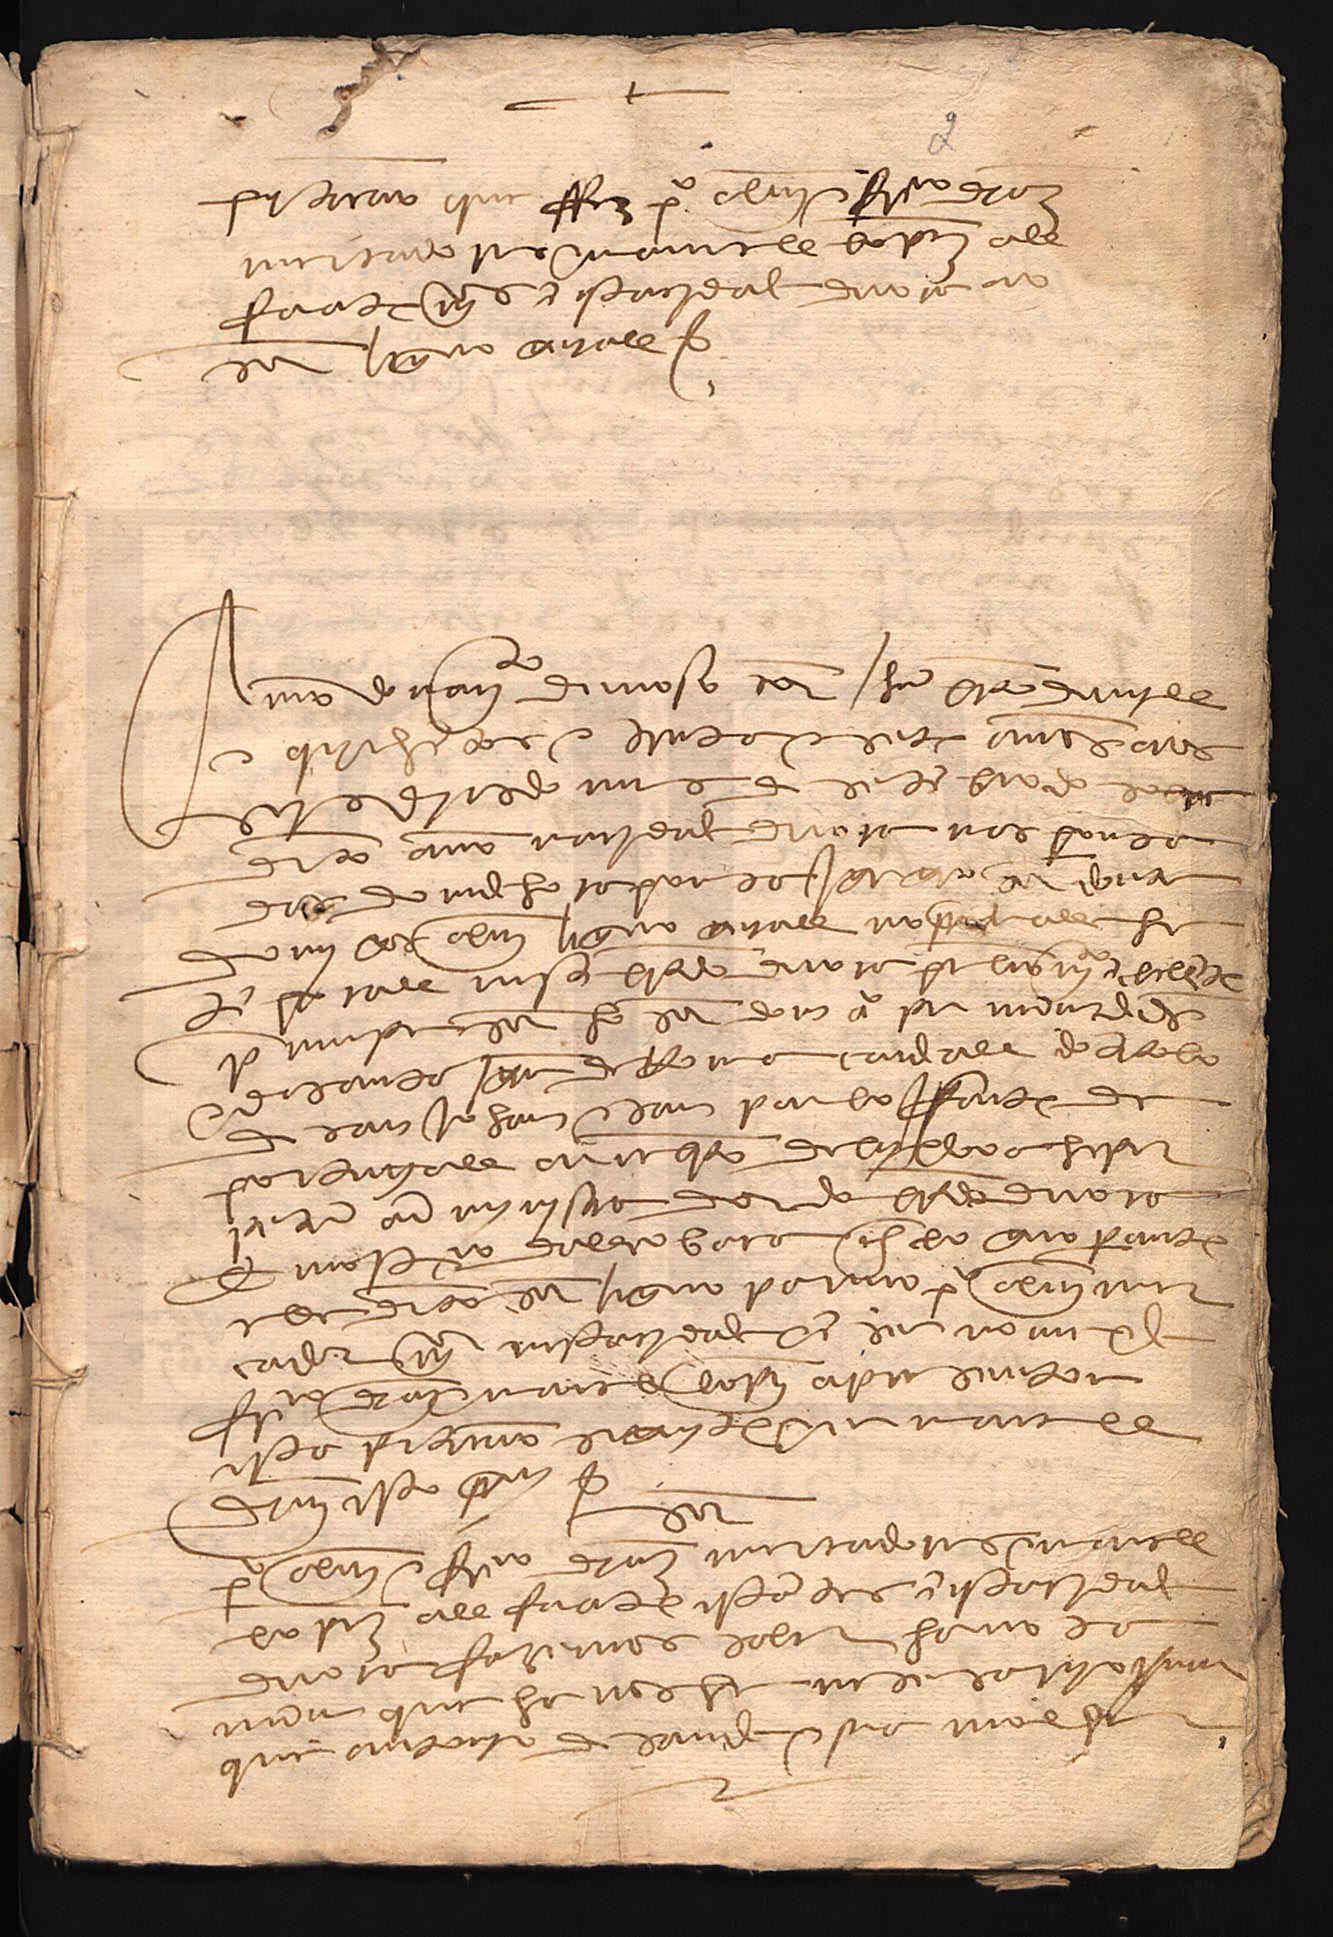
pytição que ffez po āluz e frco diaz
mercadores e manuell lopez all
faate mos ē esta cjdade deuora ao
s̄or vigro gerall
Anno do namto de noso s̄or Jhū x̄po de mjll
e qujnhētos e trinta e sete ānos aos
sejs djas do mes de setēbro do sobre
dito āno na cjdade deuora nas pousa
das domde hora pousa Jgregio s̄or doutor
domjgos āluz vigro gerall no sp̄tuall he
tēporall neste b̄pdo deuora pelo mto ēclellēte
p̄ncepe s̄or ho s̄or dom ao por mēçe de d̄s
e da santa Jḡra de Roma cardeall do titolo
de sam Joham e sam paulo Jfante de
portugall ar̄cebpo de lyxboa he per
petū admjnjstrador do b̄pdo deuora
E mostro dallcobaca c̄ꝭ loguo ꝑante
elle dito s̄or vigro pareçeo po āluz mer
cador mor nesta cjdade e ē seu nome e de
frco diaz e manoell lop̄z apresemtou
esta piticão segujte e eu manoell
diaz esto sp̄uy
S̄or
ꝑo āluz e frco diaz mercadores e manoell
lopez allfaate estātes ē esta cjdade
deuora fazemos saber ha uosa
mēçe que ha nos he necesaryo ꝓuar
que antonjo de sande e sua molher
